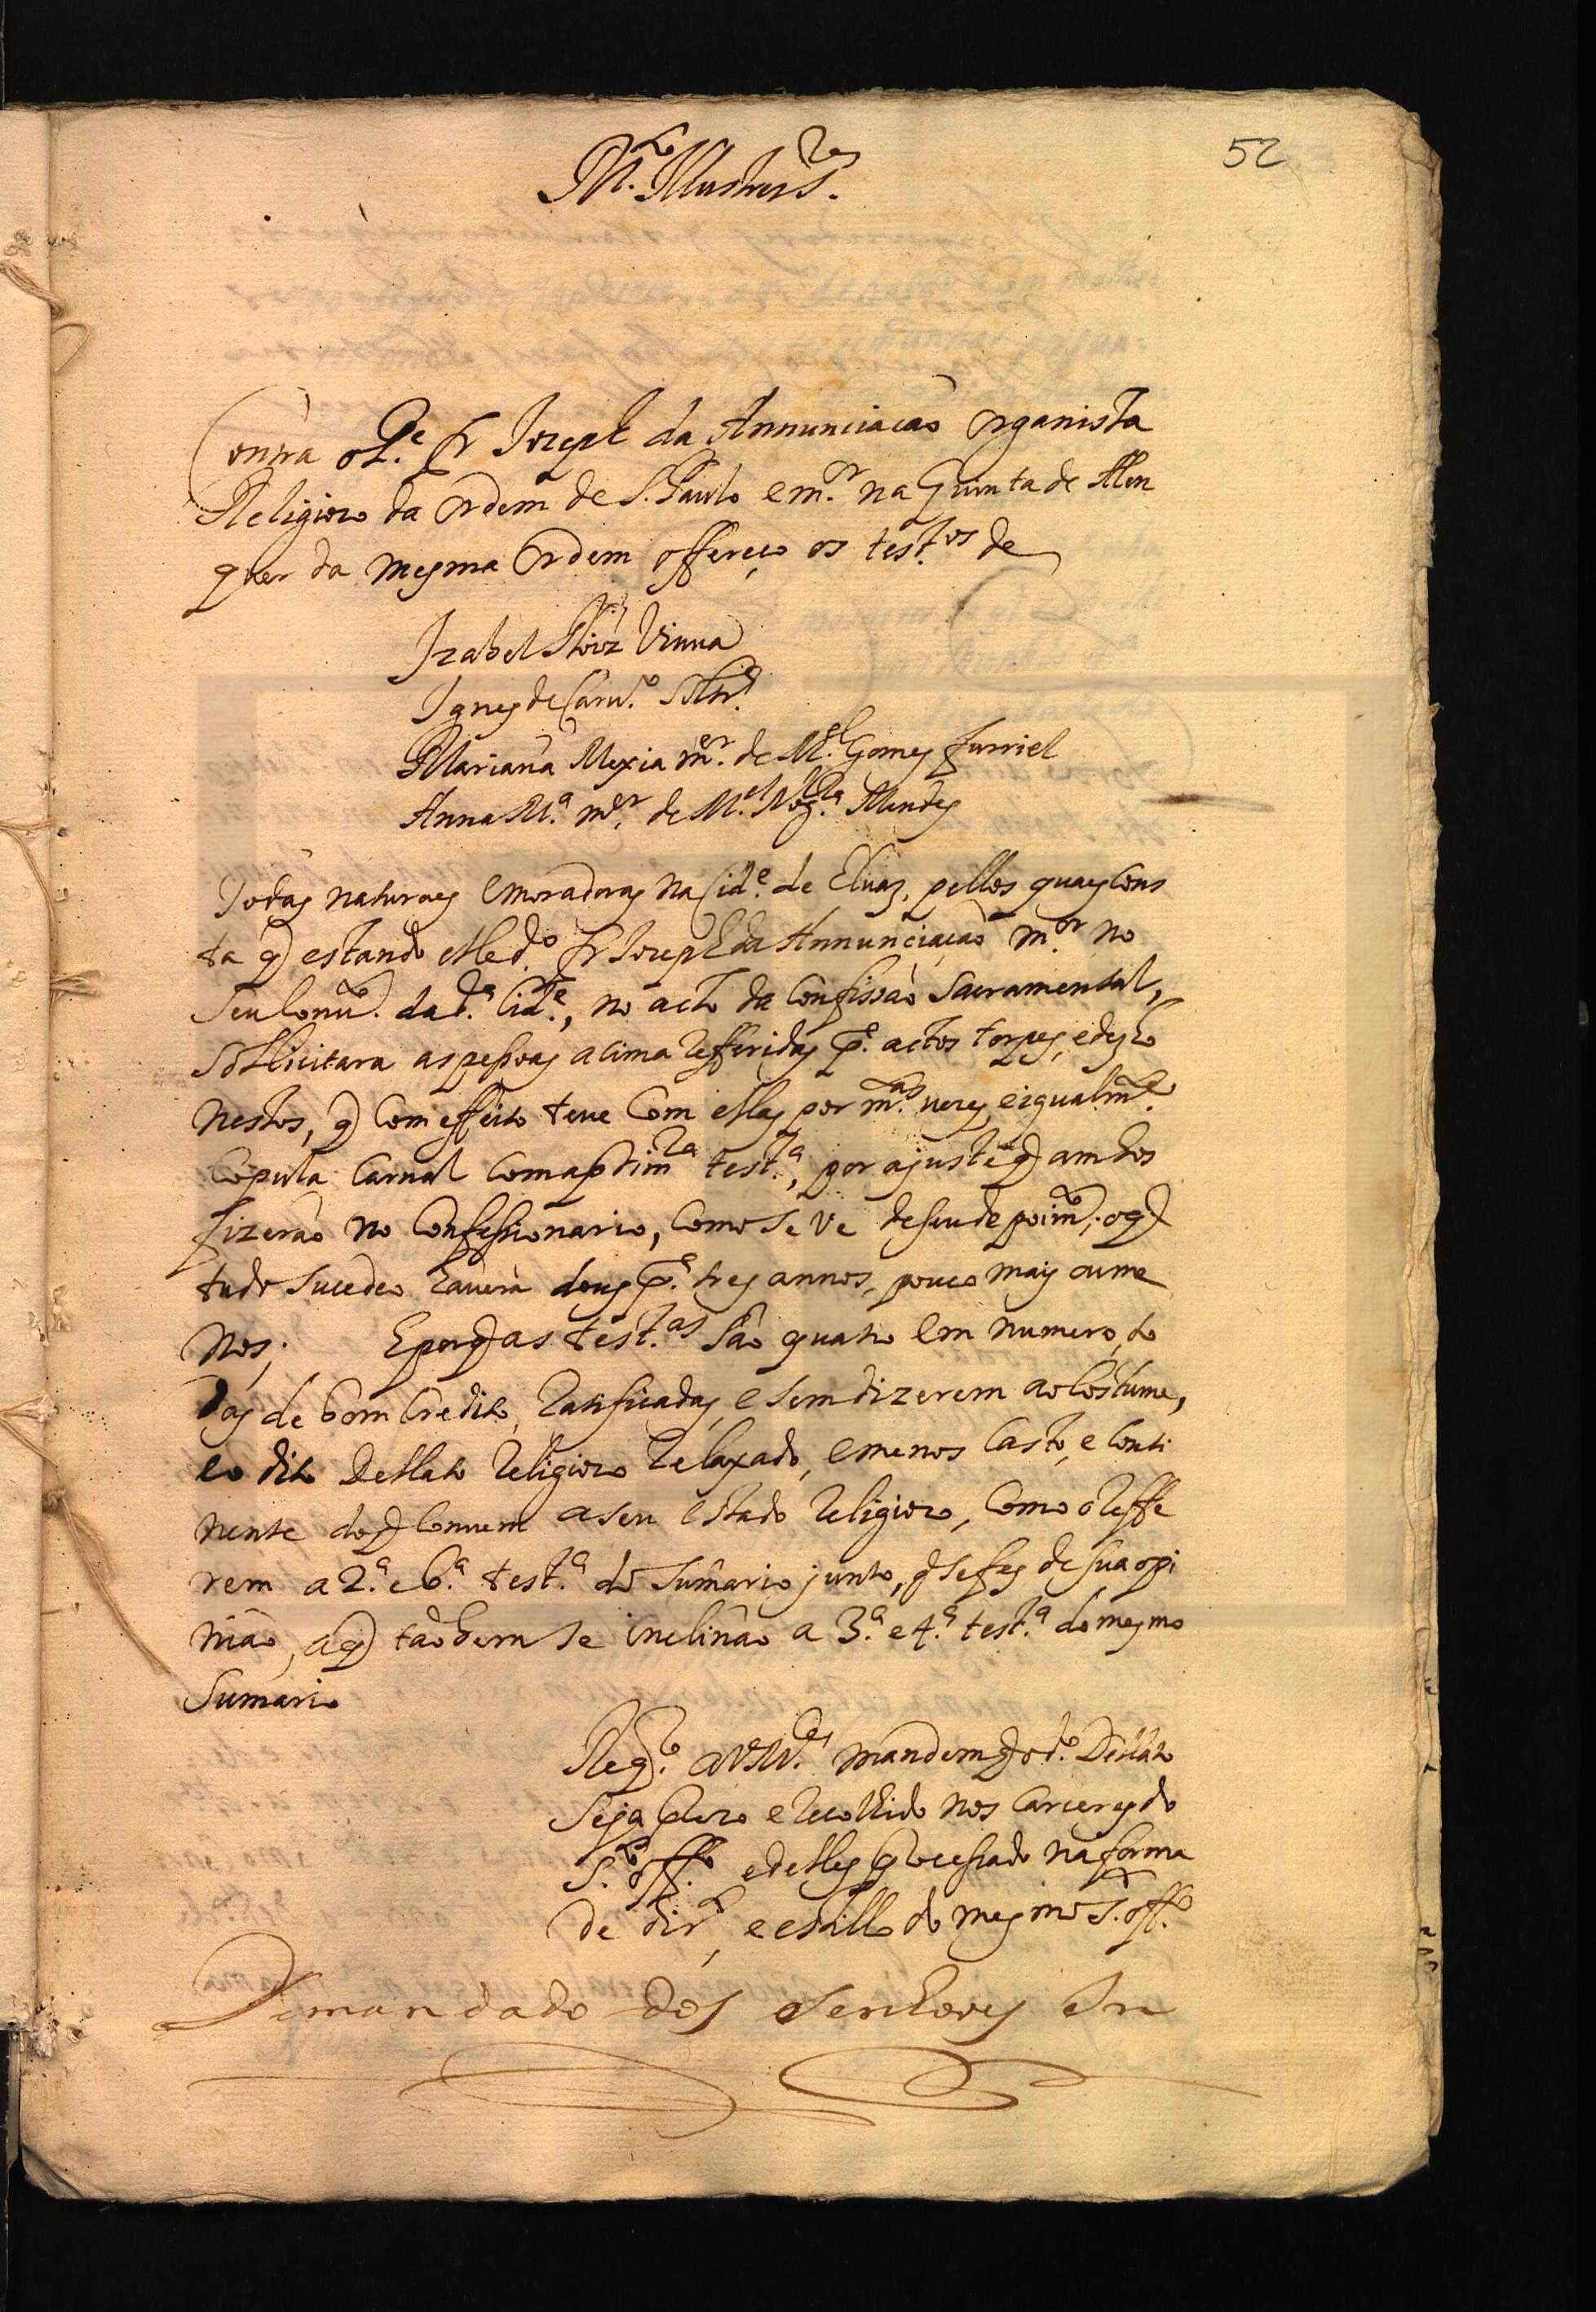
M.to Illustres S.res
Contra o P.e fr Iozeph da Annunciaçaõ organista
Religiozo da Ordem de S. Paulo e m.or na Quinta de Alen
quer da mesma Ordem offereço os test.os de
Jzabel Roiz̄ Viuua
Ignes de Caru.o soltr.a
Mariana Mexia m.er de M.e Gomes farriel
Anna M.a m.er de M.el Nog.ra Mendes
Todas naturaes e moradoras na Cid.e de Eluaz, pellos quaes Cons
ta q̄ estando elle d.o fr Iozeph da Annunciaçaõ m.or no
Seu Conu.to da d.a Cid.e, no acto da confissaõ Sacramental,
sollicitara as pessoas acima Refferidas p.a actos torpes, e dezho
nestos, q̄ com effeito teue Com ellas por m.tas uezes, e igualmte.
Copula Carnal com a primra test.a, por ajuste q̄ ambos
fizerão no Confessionario, Como se ve de seu depoimto, o q̄
tudo sucedeo hauerà dous p.a tres annos, pouco mais ou me
nos; E porq̄ as test.as são quatro em numero, to
das de bom credito, Ratificadas, e sem dizerem ao Costume,
e o dito Dellato Religiozo Relaxado, e menos Casto, e Conti
nente do q̄ Conuem a seu estado Religiozo, Como o Reffe
rem a 2.a e 6.a test.a do Sum̄ario junto, q̄ se fes de sua opi
nião, a q̄ taõbem se inclinão a 3.a e 4.a test.a do mesmo
Sumario
Req.Ro a V M.ces mandem q̄ o d.o Dellato
Seja prezo e Recolhido nos Carceres do
S.to off.o e delles processado na forma
de dirto, e estillo do mesmo s.to off.o
De mandado dos Senhores In
